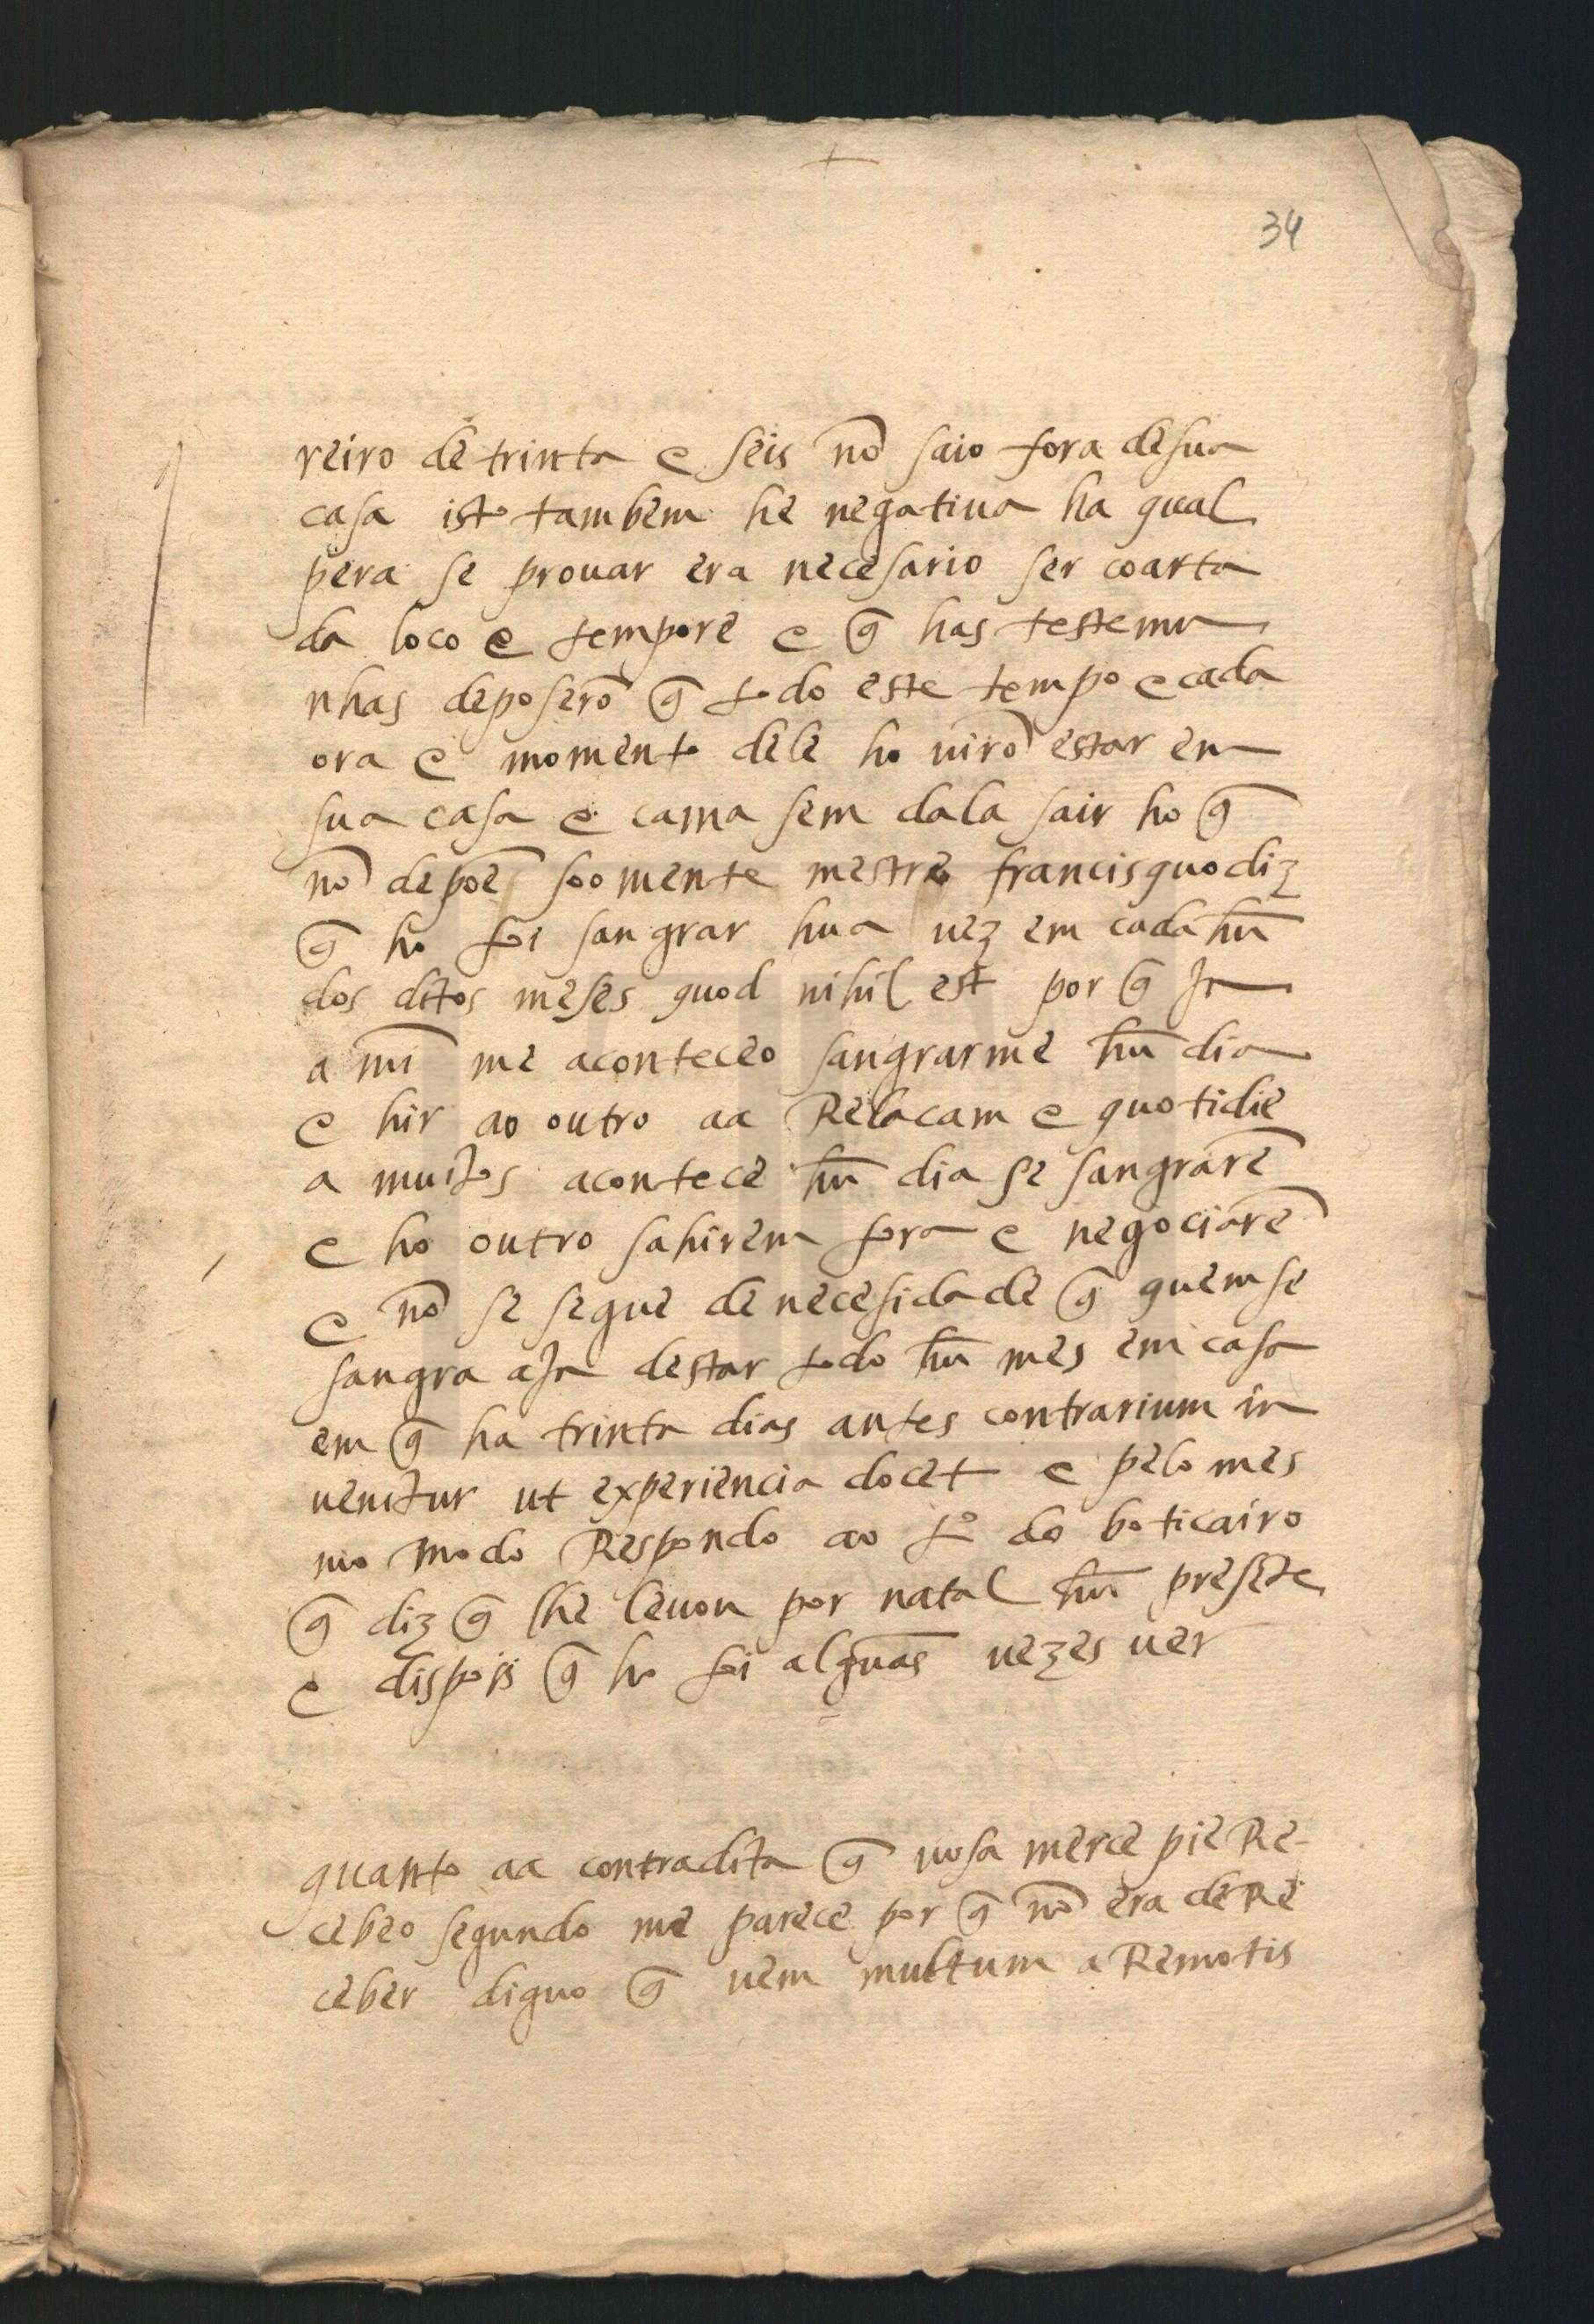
reiro de trinta e seis n̄o saio fora de sua
casa isto tambem he negatiua ha qual
pera se prouar era necesario ser coarta
da loco e tempore e que has testemu
nhas deposer̄o q̄ todo este tempo e cada
ora e momento dele ho uirō estar em
sua casa e cama sem dala sair ho q̄
n̄o depõe soomente mestre francisquo diz
q̄ ho foi sangrar hua uez em cada hū
dos ditos meses quod nihil est por q̄ Ja
a m̄i me aconteceo sangrarme hū dia
e hir ao outro aa Relacam e quotidie
a muitos acontece hū dia se sangrar̄e
e o outro sahirem fora e negociar̄e
e n̄o se segue de necesidade q̄ quem se
sangra aJa destar todo hū mes em casa
em q̄ ha trinta dias antes contrarium in
uenitur ut experiencia docet e pelo mes
mo modo Respondo ao to do boticairo
q̄ diz q̄ lhe leuou por natal hū presēte
e dispois q̄ ho foi algūas uezes uer
quanto aa contradita q̄ uosa merce pie Re
cebeo segundo me parece por q̄ n̄o era de Re
ceber diguo q̄ uem multum a Remotis
